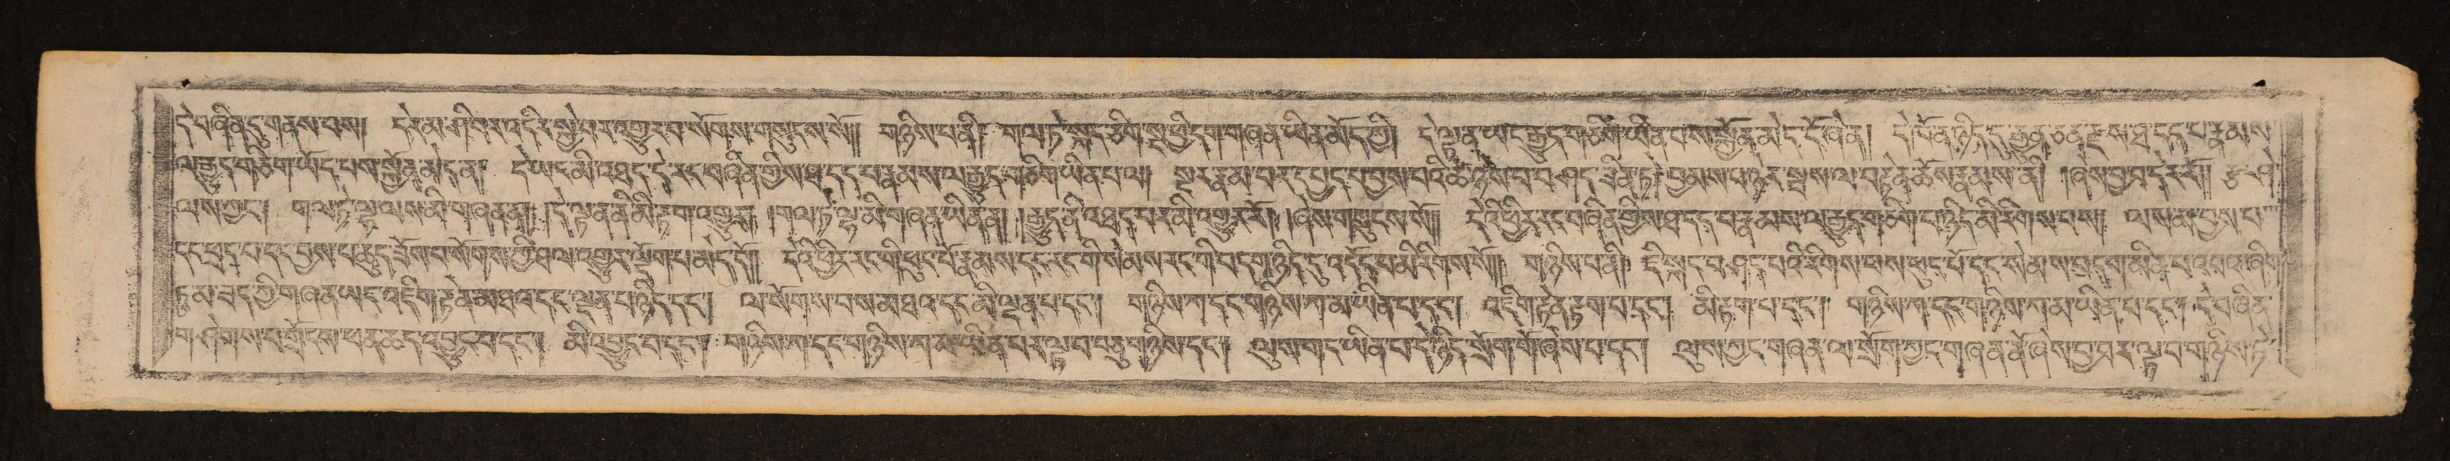དེ་བཞིན་དུ་གནས་པས། དེར་མ་ཤི་བར་འདིར་སྐྱེ་བར་འགྱུར་བ་སོགས་གསུངས་སོ།། གཉིས་པ་ནི། གལ་ཏེ་སྐད་ཅིག་སྔ་ཕྱི་དག་གཞན་ཡིན་མོད་ཀྱི། དེ་ལྟ་ན་ཡང་རྒྱུད་གཅིག་ཡིན་པས་སྐྱོན་མེད་དོ་ཞེ་ན། དེ་ཁོ་ན་ཉིད་དུ་རྒྱུན་ཅན་རྫས་ཐ་དད་པ་རྣམས་
ལ་རྒྱུད་གཅིག་ཡོད་པས་སྐྱོན་མེད་ན། དེ་ཡང་མི་འཐད་དེ་རང་བཞིན་གྱིས་ཐ་དད་པ་རྣམས་ལ་རྒྱུད་གཅིག་ཡིན་པ་ལ། སྔར་རྣམ་པར་དཔྱད་པ་བྱས་པའི་ཚེ་ཉེས་པ་བཤད་ཟིན་ཏེ། བྱམས་པ་ཉེར་སྦས་ལ་བརྟེན་ཆོས་རྣམས་ནི། །ཞེས་བྱ་བ་དེར་རོ།། རྩ་ཤེ་
ལས་ཀྱང་། གལ་ཏེ་ལྷ་ལས་མི་གཞན་ན། །དེ་ལྟ་ན་ནི་མི་རྟག་འགྱུར། །གལ་ཏེ་ལྷ་མི་གཞན་ཡིན་ན། །རྒྱུད་ནི་འཐད་པར་མི་འགྱུར་རོ། །ཞེས་གསུངས་སོ།། དེའི་ཕྱིར་རང་བཞིན་གྱིས་ཐ་དད་པ་རྣམས་ལ་རྒྱུད་གཅིག་པ་ཉིད་མི་རིགས་པས། ལས་མ་བྱས་པ་
དང་ཕྲད་པ་དང་བྱས་པ་ཆུད་ཟོས་པ་སོགས་ཀྱི་ཐལ་འགྱུར་ལྡོག་པ་མེད་དོ།། དེའི་ཕྱིར་རང་གི་ཕུང་པོ་རྣམས་དང་རང་གི་སེམས་རང་གི་བདག་ཉིད་དུ་འདོད་པ་མི་རིགས་སོ།། གཉིས་པ་ནི། ཇི་སྐད་བཤད་པའི་རིགས་པས་ཕུང་པོ་དང་སེམས་བདག་མིན་པ་འབའ་ཞིག་
ཏུ་མ་ཟད་ཀྱི་གཞན་ཡང་འཇིག་རྟེན་མཐའ་དང་ལྡན་པ་ཉིད་དང་། ལ་སོགས་པས་མཐའ་དང་མི་ལྡན་པ་དང་། གཉིས་ཀ་དང་གཉིས་ཀ་མ་ཡིན་པ་དང་། འཇིག་རྟེན་རྟག་པ་དང་། མི་རྟག་པ་དང་། གཉིས་ཀ་དང་གཉིས་ཀ་མ་ཡིན་པ་དང་། དེ་བཞིན་
གཤེགས་པ་གྲོངས་ཕན་ཆད་འབྱུང་བ་དང་། མི་འབྱུང་བ་དང་། གཉིས་ཀ་དང་གཉིས་ཀ་མ་ཡིན་པར་ལྟ་པ་བཅུ་གཉིས་དང་། ལུས་གང་ཡིན་པ་དེ་ཉིད་སྲོག་གོ་ཞེས་པ་དང་། ལུས་ཀྱང་གཞན་ལ་སྲོག་ཀྱང་གཞན་ནོ་ཞེས་བྱ་བར་ལྟ་བ་གཉིས་ཏེ་